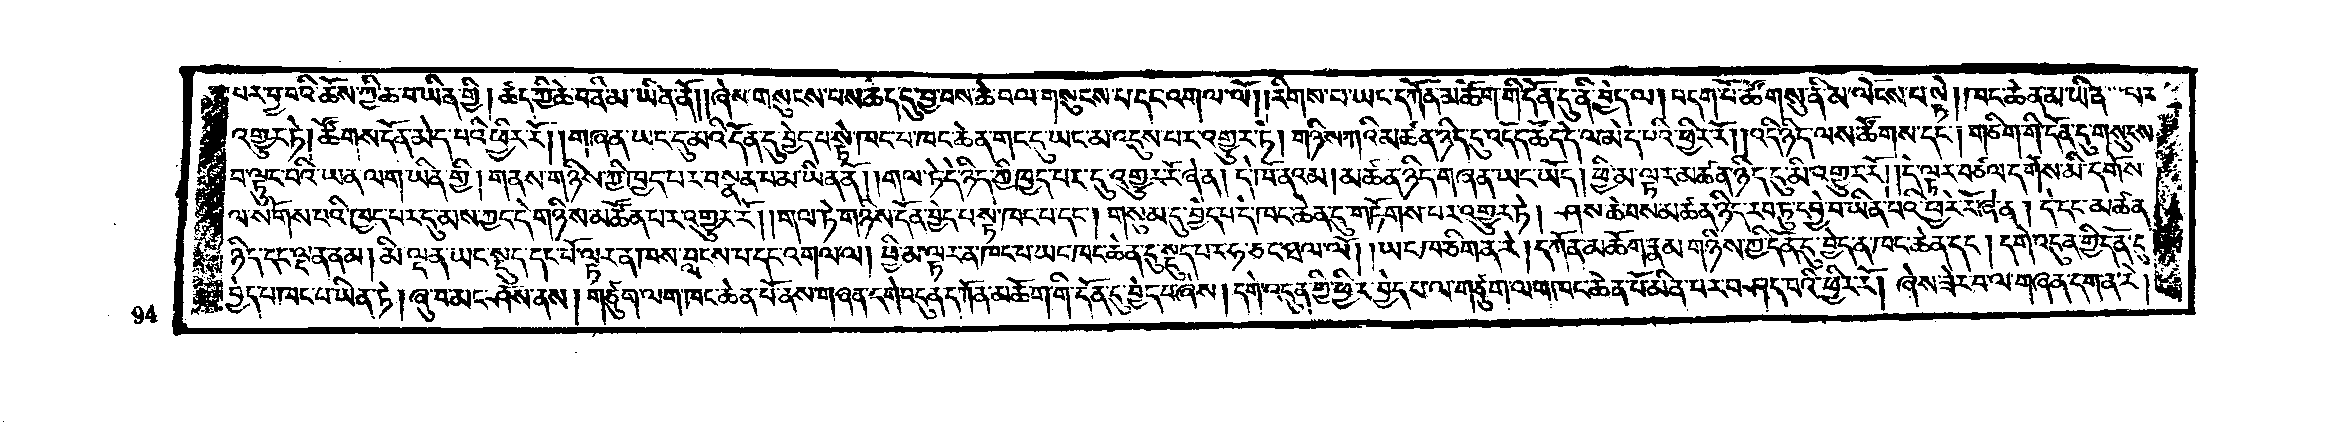པར་བྱ་བའི་ཆོས་ཀྱི་ཆ་བ་ཡིན་གྱི། ཚད་ཀྱི་ཆེ་བ་ནི་མ་ཡིན་ནོ། །ཞེས་གསུངས་པས་ཆེད་དུ་བྱ་བས་ཆེ་བ་ལ་གསུངས་པ་དང་འགལ་ལོ། །རིགས་པ་ཡང་དཀོན་མཆོག་གི་དོན་དུ་ནི་བྱེད་ལ། བདག་པོ་ཚོ་གསུ་ནི་མ་ལོངས་པ་སྟེ། ཁང་ཆེན་མ་ཡིན་པར་
འགྱུར་ཏེ། ཚོགས་དོན་མེད་པའི་ཕྱིར་རོ། །གཞན་ཡང་དུ་མའི་དོན་དུ་བྱེད་པ་སྟེ་ཁང་པ་ཁང་ཆེན་གང་དུ་ཡང་མ་འདུས་པར་འགྱུར་ཏེ། གཉིས་ཀའི་མཚན་ཉིད་དུ་འདོད་ཚོད་དེ་ལ་མེད་པའི་ཕྱིར་རོ། །འདི་ཉིད་ལས་ཚོགས་དང་། གཅིག་གི་དོན་དུ་གསུངས་
པ་ལྟུང་བའི་ཡན་ལག་ཡིན་གྱི། གནས་གཉིས་ཀྱི་ཁྱད་པར་བསྣན་པ་མ་ཡིན་ནོ། །གལ་ཏེ་དེ་ཉིད་ཀྱི་ཁྱད་པར་དུ་འགྱུར་རོ་ཞེ་ན། དེ་ཁོ་ནའམ། མཚན་ཉིད་གཞན་ཡང་ཡོད། ཕྱི་མ་ལྟར་མཚན་ཉིད་དུ་མི་འགྱུར་རོ། །དེ་ལྟར་བཙལ་དགོས་མི་དགོས་
ལ་སོགས་པའི་ཁྱད་པར་དུ་མས་ཀྱང་དེ་གཉིས་མཚོན་པར་འགྱུར་རོ། །གལ་ཏེ་གཉིས་དོན་བྱེད་པ་སྟེ་ཁང་པ་དང་། གསུམ་དུ་བྱེད་པ་དེ་ཁང་ཆེན་དུ་གཏོགས་པར་འགྱུར་ཏེ། ཤས་ཆེ་བས་མཆན་ཉིད་རབ་ཏུ་དབྱེ་བ་ཡིན་པའི་ཕྱིར་རོ་ཞེ་ན། དེ་དང་མཚན་
ཉིད་དང་ལྡན་ནམ། མི་ལྡན་ཡང་སྡུད་དང་པོ་ལྟར་ན་ཁས་བླངས་པ་དང་འགལ་ལ། ཕྱི་མ་ལྟར་ན་ཁང་པ་ཡང་ཁང་ཆེན་དུ་སྡུད་པར་ཧ་ཅང་ཐལ་ལོ། །ཡང་ཁ་ཅིག་ན་རེ། དཀོན་མཆོག་རྣམ་གཉིས་ཀྱི་དོན་དུ་བྱེད་ན་ཁང་ཆེན་དང་། དགེ་འདུན་གྱི་དོན་དུ་
བྱེད་པ་ཁང་པ་ཡིན་ཏེ། ཞུ་བ་མང་ཤོས་ནས། གཙུག་ལག་ཁང་ཆེན་པོ་ནས་གཞན་དགེ་འདུན་དཀོན་མཆོག་གི་དོན་དུ་བྱེད་པ་ཞེས། དགེ་འདུན་གྱི་ཕྱིར་བྱེད་པ་ལ་གཙུག་ལག་ཁང་ཆེན་པོ་མིན་པར་བཤད་པའི་ཕྱིར་རོ། ཞེས་ཟེར་བ་ལ་གཞན་དག་ན་རེ།